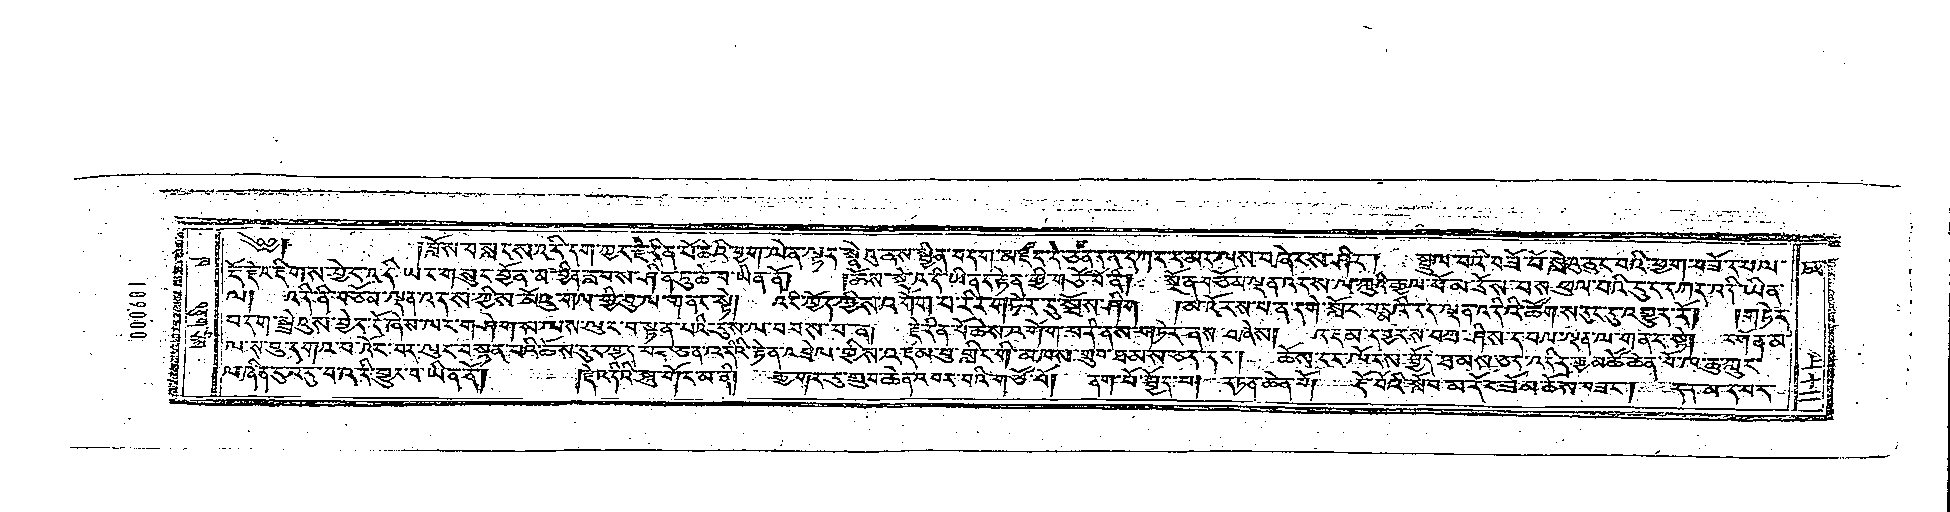༄༅། །བློས་བསླངས་འདི་དག་ཀྱང་རྗེ་རིན་པོ་ཆེའི་ཕྱག་ལེན་ལྟར་སྣེའུ་ནས་སྦྱིན་བདག་མཛད་དེ་ཙན་དན་དཀར་དམར་ལས་བཞེངས་ཤིང་། སྤྲུལ་བའི་བཟོ་བོ་སླེའུ་ཆུང་བའི་ཕྱག་བཟོ་དཔལ་
རྡོ་རྗེ་འཇིགས་བྱེད་འདི་ཡང་གསུང་བྱོན་མ་བྱིན་རླབས་ཤིན་ཏུ་ཆེ་བ་ཡིན་ནོ། །ཆོས་སྡེ་འདི་ཡིན་ད་རྟེན་གྱི་གཙོ་བོ་ནི། སྔོན་བཅོམ་ལྡན་འདས་ལ་གླུའི་རྒྱལ་པོ་མ་དྲོས་པས་ཕུལ་བའི་དུང་དཀར་འདི་ཡིན་
ལ། འདི་ནི་བཅོམ་ལྡན་འདས་ཀྱིས་མོའུ་གལ་གྱི་བུ་ལ་གནང་སྟེ། འདི་ཁྱོད་ཀྱིས་འགོག་པ་རིར་གཏེར་དུ་སྦོས་ཤིག །མ་འོངས་པ་ན་དགེ་སློང་པདམའི་དད་ལྡན་འདིའི་ཚོགས་དྲུང་དུ་འགྱུར་རོ། །གཏེར་
བདག་སྦྲེའུས་བྱེད་དོ་ཞེས་ལང་གཤེགས་ལས་ལུང་བསྟན་པའི་དུས་ལ་བབས་པ་ན། རྗེ་རིན་པོ་ཆེས་འགོག་བ་རི་ནས་གཏེར་ནས་བཞེས། འཇམ་དབྱངས་བཀྲ་ཤིས་དཔལ་ལྡན་ལ་གནང་སྟེ། དགོན་མ་
ལ་ས་བུ་དགའ་བ་འོང་བར་ལུང་བསྟན་པའི་ཆོས་དུང་ཁྱད་པར་ཅན་འདིའི་རྟེན་འབྲེལ་གྱིས་འཛམ་བུ་གླིང་གི་མཁས་གྲུབ་ཐམས་ཅད་དང་། ཆོས་དང་ལོངས་སྤྱོད་ཐམས་ཅད་འདིར་རྒྱ་མཚོ་ཆེན་པོ་ལ་ཆུ་ཀླུང་
ལ་ཞིན་དུ་འདུ་བ་འདི་བྱུང་བ་ཡིན་ནོ། །རྗེ་འདིའི་སྐུ་གོང་མ་ནི། རྒྱ་གར་དུ་གྲུབ་ཆེན་འབར་བའི་གཙོ་བོ། ནག་པོ་སྤྱོད་པ། ར་ཏན་ཆེན་པོ། ཇོ་བོའི་སློབ་མ་རོང་ཟོམ་ཆོས་བཟང་། དར་མ་དཔང་